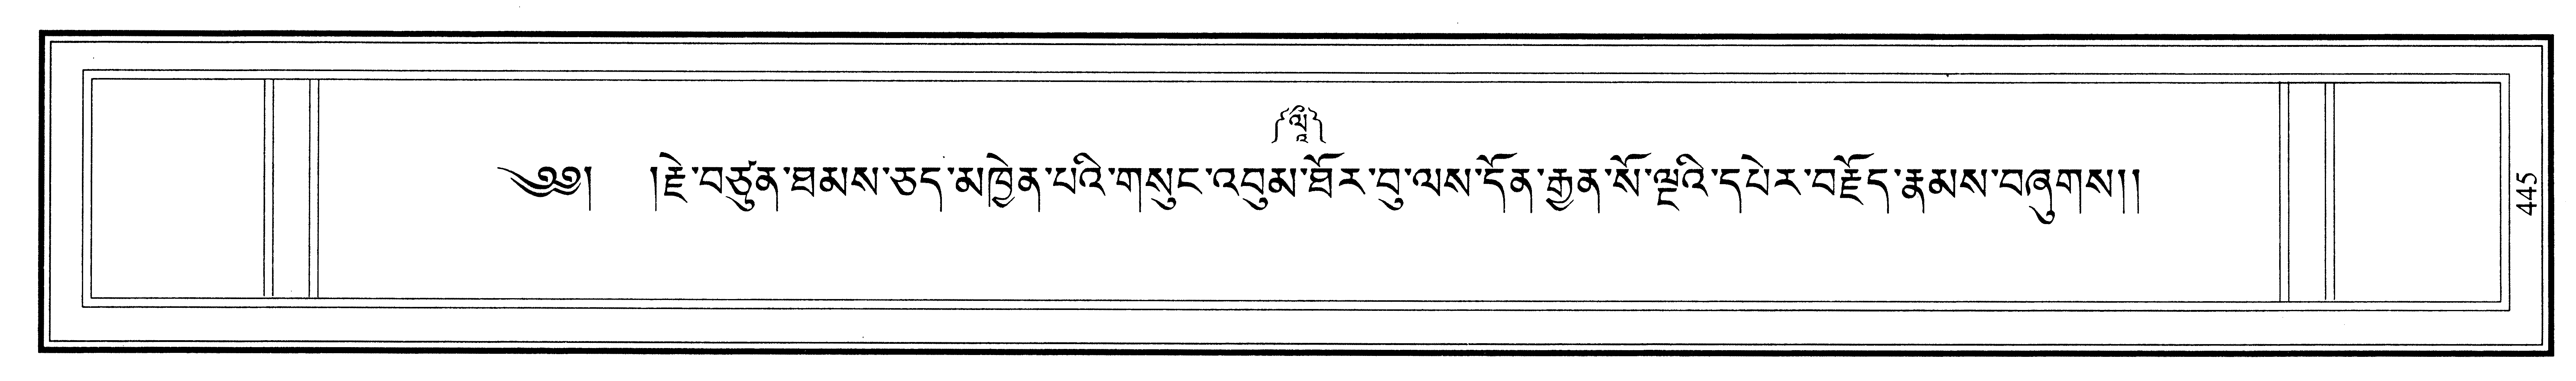༄༅། །རྗེ་བཙུན་ཐམས་ཅད་མཁྱེན་པའི་གསུང་འབུམ་ཐོར་བུ་ལས་དོན་རྒྱན་སོ་ལྔའི་དཔེར་བརྗོད་རྣམས་བཞུགས།།